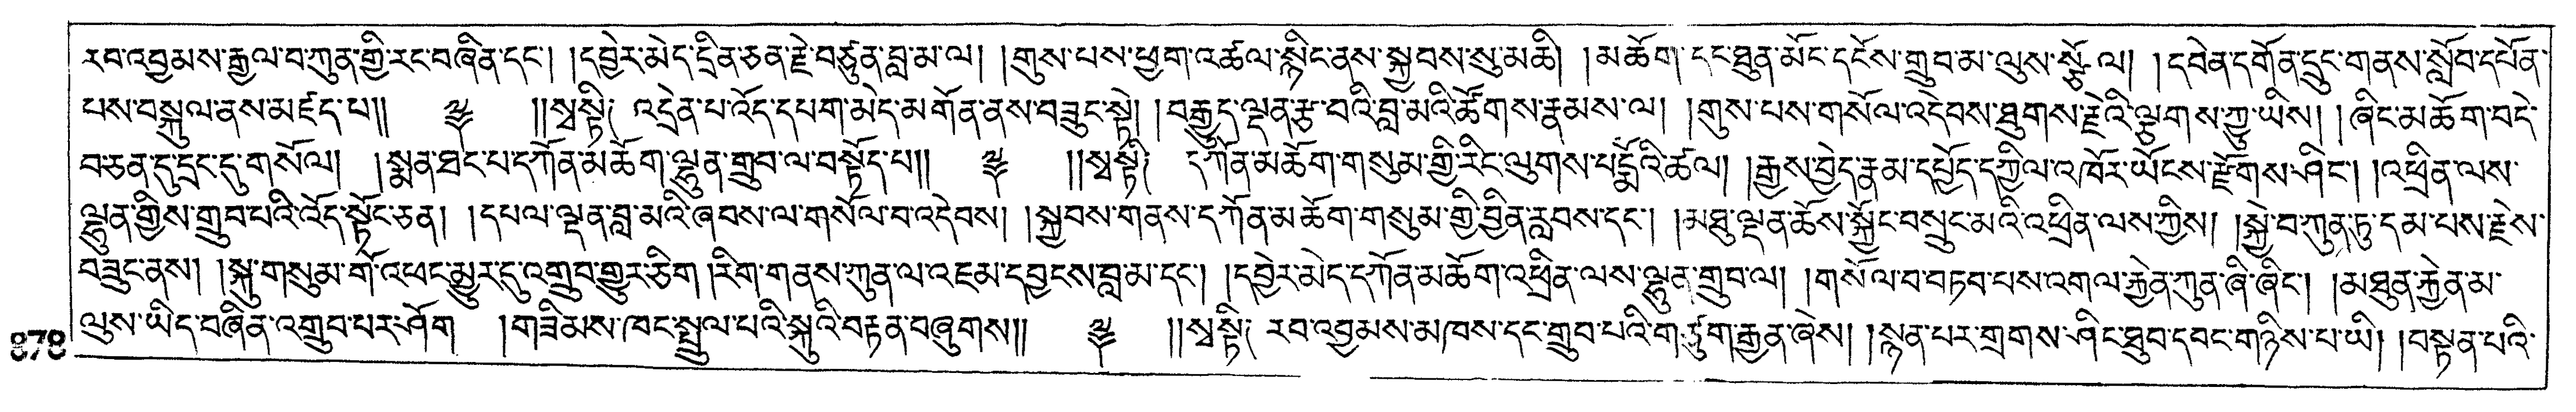རབ་འབྱམས་རྒྱལ་བ་ཀུན་གྱི་རང་བཞིན་དང་། །དབྱེར་མེད་དྲིན་ཅན་རྗེ་བཙུན་བླ་མ་ལ། །གུས་པས་ཕྱག་འཚལ་སྙིང་ནས་སྐྱབས་སུ་མཆི། །མཆོག་དང་ཐུན་མོང་དངོས་གྲུབ་མ་ལུས་སྩོལ། །དབེན་དགོན་དྲུང་གནས་སློབ་དཔོན་
པས་བསྐུལ་ནས་མཛད་པ།། ༈ །།སྭསྟི༑ འདྲེན་པ་འོད་དཔག་མེད་མགོན་ནས་བཟུང་སྟེ། །བརྒྱུད་ལྡན་རྩ་བའི་བླ་མའི་ཚོགས་རྣམས་ལ། །གུས་པས་གསོལ་འདེབས་ཐུགས་རྗེའི་ལྕགས་ཀྱུ་ཡིས། །ཞིང་མཆོག་བདེ་
བ་ཅན་དུ་དྲང་དུ་གསོལ། །སྨན་ཐང་པ་དཀོན་མཆོག་ལྷུན་གྲུབ་ལ་བསྟོད་པ།། ༈ །།སྭསྟི༑ དཀོན་མཆོག་གསུམ་གྱི་རིང་ལུགས་པདམོའི་ཚལ། །རྒྱས་བྱེད་རྣམ་དཔྱོད་དཀྱིལ་འཁོར་ཡོངས་རྫོགས་ཤིང་། །འཕྲིན་ལས་
ལྷུན་གྱིས་གྲུབ་པའི་འོད་སྟོང་ཅན། །དཔལ་ལྡན་བླ་མའི་ཞབས་ལ་གསོལ་བ་འདེབས། །སྐྱབས་གནས་དཀོན་མཆོག་གསུམ་གྱི་བྱིན་རླབས་དང་། །མཐུ་ལྡན་ཆོས་སྐྱོང་བསྲུང་མའི་འཕྲིན་ལས་ཀྱིས། །སྐྱེ་བ་ཀུན་ཏུ་དམ་པས་རྗེས་
བཟུང་ནས། །སྐུ་གསུམ་གོ་འཕང་མྱུར་དུ་འགྲུབ་གྱུར་ཅིག །རིག་གནས་ཀུན་ལ་འཇམ་དབྱངས་བླ་མ་དང་། །དབྱེར་མེད་དཀོན་མཆོག་འཕྲིན་ལས་ལྷུན་གྲུབ་ལ། །གསོལ་བ་བཏབ་པས་འགལ་རྐྱེན་ཀུན་ཞི་ཞིང་། །མཐུན་རྐྱེན་མ་
ལུས་ཡིད་བཞིན་འགྲུབ་པར་ཤོག །གཟིམས་ཁང་སྤྲུལ་པའི་སྐུའི་བརྟན་བཞུགས།། ༈ །།སྭསྟི༑ རབ་འབྱམས་མཁས་དང་གྲུབ་པའི་གཙུག་རྒྱན་ཞེས། །སྙན་པར་གྲགས་ཤིང་ཐུབ་དབང་གཉིས་པ་ཡི། །བསྟན་པའི་